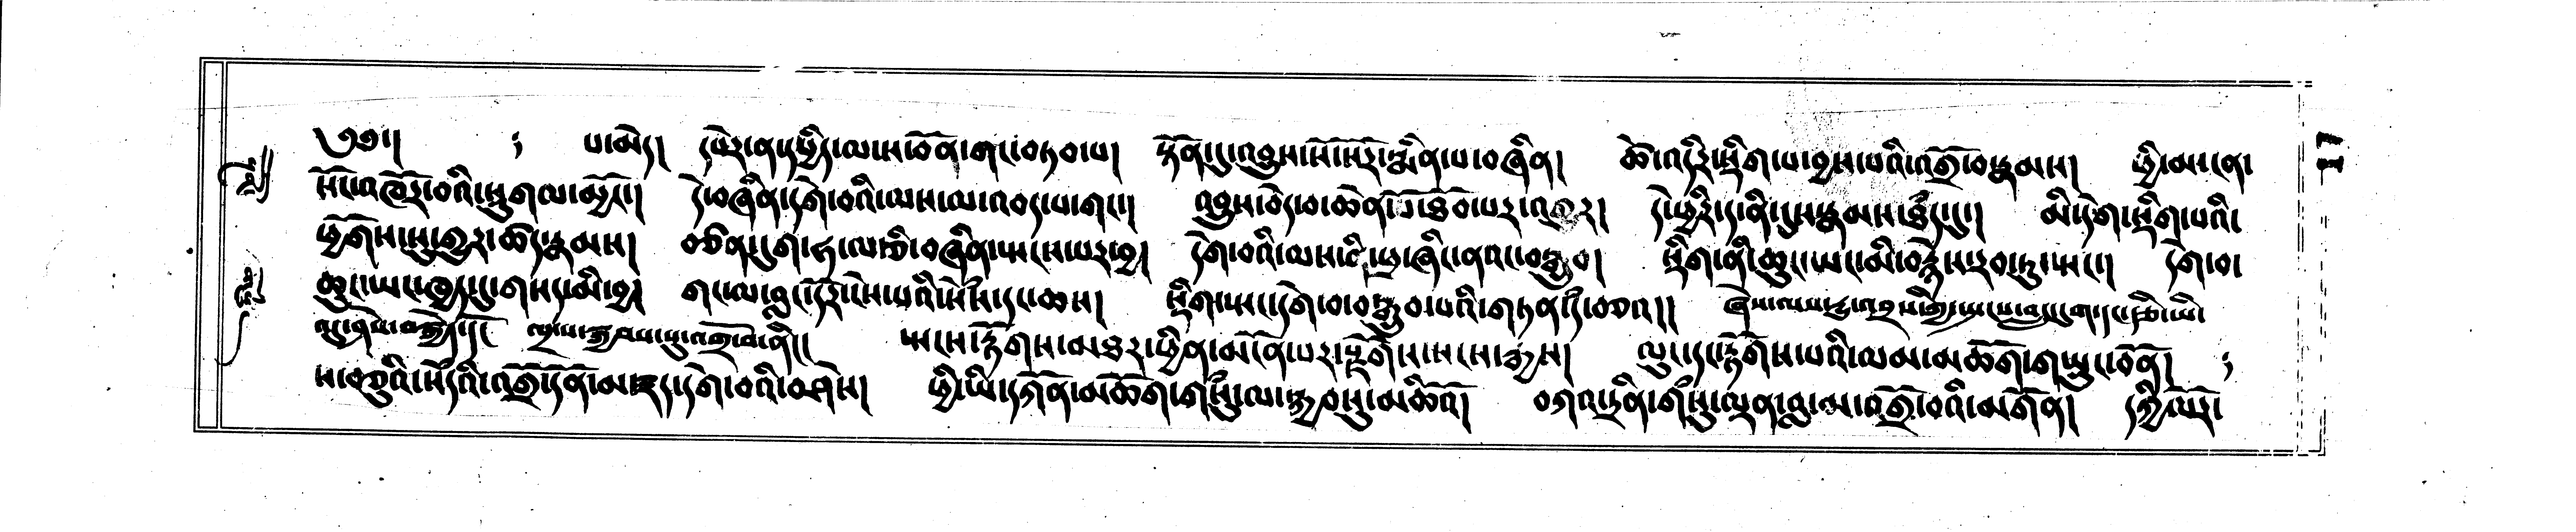པ་མེད། །དཔེར་ན་དཔྱིད་ན་ས་བོན་གང་བཏབ་པ། །སྟོན་དུ་འབྲས་བུ་སོ་སོར་སྨིན་པ་བཞིན། །ཚེ་འདིར་སྡིག་པ་བྱས་པའི་འགྲོ་བ་རྣམས། །ཕྱི་མ་ངན་
སོང་འཁོར་བའི་སྡུག་བསྔལ་མྱོང་། །དེ་བཞིན་དགེ་བའི་ལས་ལ་འབད་པ་གང་། །འབྲས་བུ་བདེ་བ་ཆེན་པོ་འཐོབ་པར་འགྱུར། །དེ་ཕྱིར་ད་ནི་དུས་རྣམས་ཐམས་ཅད་དུ། །མི་དགེ་སྡིག་པའི་
ཕྱོགས་སུ་གྱུར་ཚད་རྣམས། །བཙན་དུག་ཧ་ལ་ཅི་བཞིན་སྤང་བར་བྱ། །དགེ་བའི་ལས་ནི་ཕྲ་ཞིང་ཕྲ་ནའང་བསྒྲུབ། །སྡིག་ནི་ཆུང་ཡང་མི་བརྙས་རབ་ཏུ་སྤང་། །དགེ་བ་
ཆུང་ཡང་ཁྱད་དུ་གསད་མི་བྱ། །གང་ལ་བླང་དོར་ངེས་པའི་སེམས་དང་ཆས། །སྡིག་སྤང་དགེ་བ་བསྒྲུབ་པའི་གཏན་དམ་བཅའ། །ཞེས་ལས་རྒྱུ་འབྲས་ཀྱི་སྤང་བླང་དུག་དང་རྩི་ཡི་
འདུ་ཤེས་བསྐྱེད་དོ། །ལྔ་པ་སྐྱབས་སུ་འགྲོ་བ་ནི། སྤངས་རྟོགས་མཐར་ཕྱིན་མངོན་པར་རྫོགས་སངས་རྒྱས། །ལུང་དང་རྟོགས་པའི་ལམ་མཆོག་གཡུང་དྲུང་བོན། །
ས་བཅུའི་སེམས་དཔའ་འགྲོ་དོན་མཛད་དགེ་བའི་བཤེས། །ཕྱི་ཡི་དཀོན་མཆོག་གསུམ་ལ་སྐྱབས་སུ་མཆིའོ། །བཀའ་དྲིན་གསུམ་ལྡན་བླ་མ་འགྲོ་བའི་མགོན། །དཀྱིལ་འཁོར་